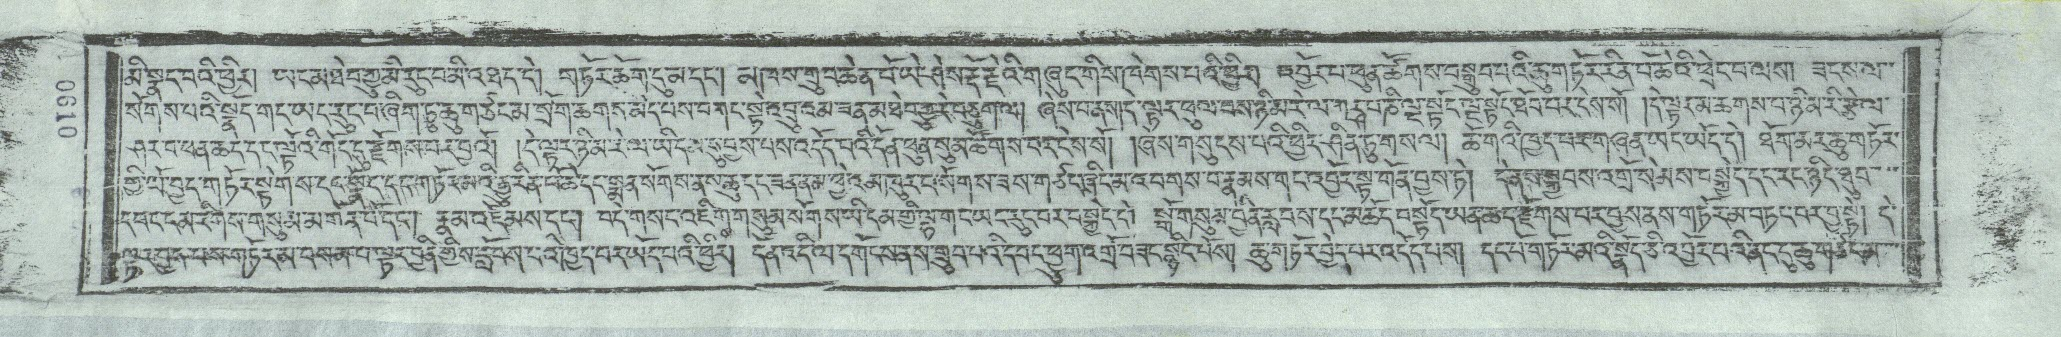མི་སྣང་བའི་ཕྱིར། ཡང་མཐེབ་ཀྱུ་མི་རུང་བ་མི་འཐད་དེ། གཏོར་ཆོག་དུ་མ་དང་། མཁས་གྲུབ་ཆེན་པོ་ཡེ་ཤེས་རྡོ་རྗེའི་གཞུང་གིས་ཁེགས་པའི་ཕྱིར། འབྱོར་པ་ཕུན་ཚོགས་བསྒྲུབ་པའི་ཆུ་གཏོར་རིན་པོ་ཆེའི་ཕྲེང་བ་ལས། ཟངས་ལ་
སོགས་པའི་སྣོད་གང་ཡང་རུང་བཞིག་ཏུ་ཆུ་གཙང་མ་སྲོག་ཆགས་མེད་པས་བཀང་སྟེ་འབྲུ་འམ་ཟན་མཐེབ་ཀྱུ་རེ་བཅུག་ལ། ཞེས་བ་ནས། དེ་ལྟར་ཕུལ་བས་ཉི་མ་རེ་ལ་ཀརྵ་པ་ཎི་ལྔ་སྟོང་ལྔ་སྟོང་ཐོབ་བར་ངེས་སོ། །དེ་ལྟར་མ་ཆགས་པ་ཉི་མ་རི་རྩེལ་
ཤར་བ་ཕན་ཆད་དང་ལྟོའི་གོང་དུ་རྫོགས་བར་བྱའོ། །དེ་ལྟར་ཉི་མ་རེ་ལ་ཡི་དམ་དུ་བྱས་པས་འདོད་པའི་དོན་ཕུན་སུམ་ཚོགས་པར་ངེས་སོ། །ཞེས་གསུངས་པའི་ཕྱིར་ཤིན་ཏུ་གསལ། ཆོ་གའི་ཁྱད་པར་གཞན་ཡང་ཡོད་དེ། ཐོག་མར་ཆུ་གཏོར་
གྱི་ཡོ་བྱད་གཏོར་སྟེགས་དང་སྣོད་དང་གཏོར་མའི་རྒྱུ་རིན་པོ་ཆེ་དང་སྨྲན་སོགས་ནས་ཆུ་དང་ཟན་ནམ་ཕྱེའམ་ཁུར་བ་སོགས་ཟས་གཙང་ཞིང་མ་འབགས་བ་རྣམས་གང་འབྱོར་སྟ་གོན་བྱས་ཏེ། དེ་ནས་སྐྱབས་འགྲོ་སེམས་བསྐྱེད་དང་རང་ཉིད་ཐུབ་
དབང་དམ་རིགས་གསུམ་མགོན་པོ་དང་། རྣམ་འཇོམས་དང་། བདེ་གསང་འཇིགས་གསུམ་སོགས་ཡི་དམ་གྱི་ལྷ་གང་ཡང་རུང་བར་བསྐྱེད་དེ། སྒོ་གསུམ་བྱིན་རླབས་དང་མཆོད་བསྟོད་ཡན་ཆད་རྫོགས་པར་བྱས་ནས་གཏོར་མ་བཏང་བར་བྱ་སྟེ། དེ་
ལྟར་བྱས་པས་གཏོར་མ་བསམ་པ་ལྟར་བྱིན་གྱིས་རློབས་པའི་ཁྱད་བར་ཡོད་པའི་ཕྱིར། དོན་འདིལ་དགོངས་ནས་གྲུབ་པའི་དབང་ཕྱུག་འགྲོ་བཟང་སྙིང་པོས། ཆུ་གཏོར་བྱེད་པར་འདོད་པས། དང་པོ་གཏོར་མའི་སྣོད་ཅི་འབྱོར་པའི་ནང་དུ་ཆུ་གཙང་མ་